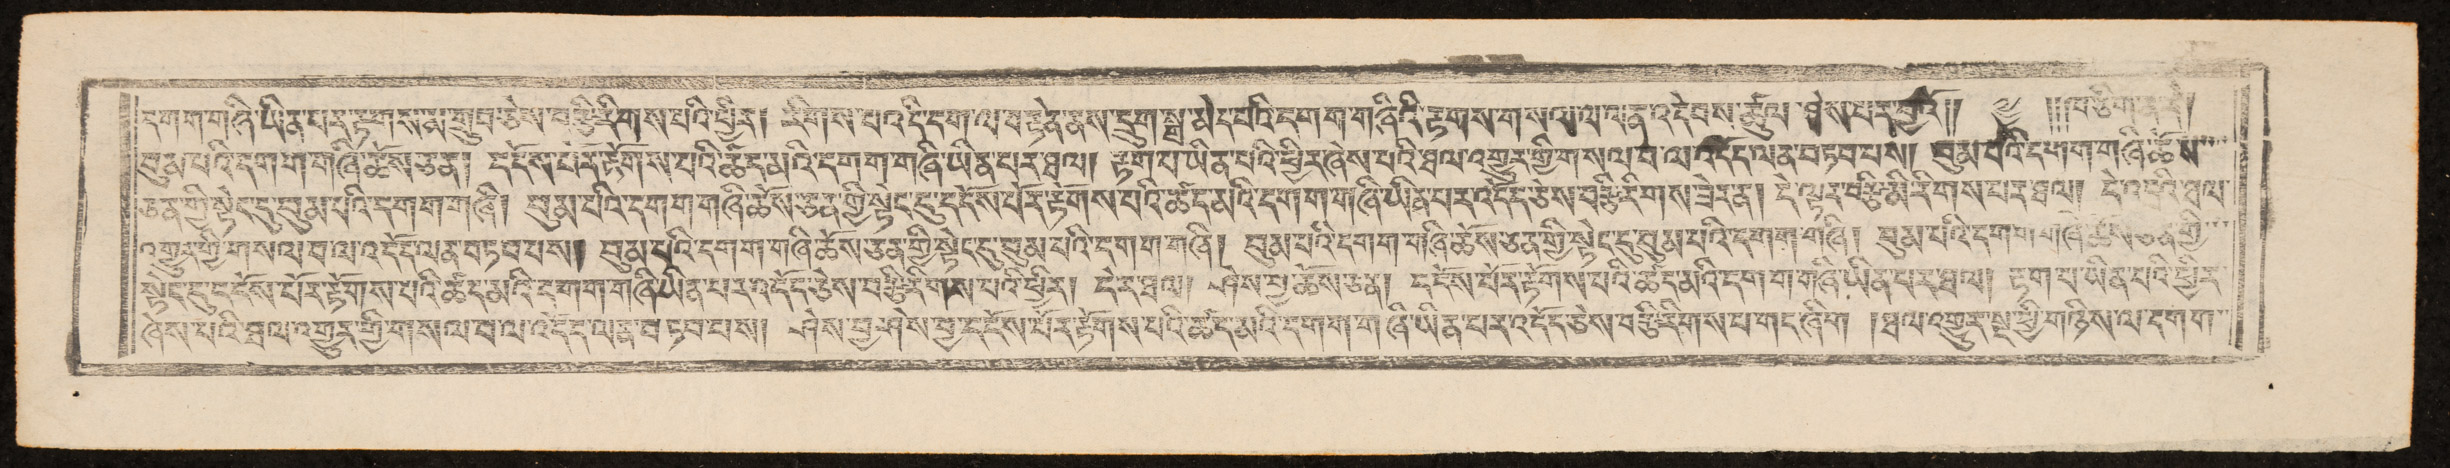དགག་གཞི་ཡིན་པར་རྟགས་མ་གྲུབ་ཅེས་བརྩི་རིགས་པའི་ཕྱིར། རིགས་པ་འདི་དག་ལ་བརྟེན་ནས་དྲུག་སྒྲ་མེད་པའི་དགག་གཞིའི་རྟགས་གསལ་ལ་ལན་འདེབས་ཚུལ་ཤེས་པར་བྱའོ།། ~་།།ཁ་ཅིག་ན་རེ།
བུམ་པའི་དགག་གཞི་ཆོས་ཅན། དངོས་པོར་རྟོགས་པའི་ཚད་མའི་དགག་གཞི་ཡིན་པར་ཐལ། རྟག་པ་ཡིན་པའི་ཕྱིར་ཞེས་པའི་ཐལ་འགྱུར་གྱི་གསལ་བ་ལ་འདོད་ལན་བཏབ་པས། བུམ་པའི་དགག་གཞི་ཆོས་
ཅན་གྱི་སྟེང་དུ་བུམ་པའི་དགག་གཞི། བུམ་པའི་དགག་གཞི་ཆོས་ཅན་གྱི་སྟེང་དུ་དངོས་པོར་རྟོགས་པའི་ཚད་མའི་དགག་གཞི་ཡིན་པར་འདོད་ཅེས་བརྩི་རིགས་ཟེར་ན། དེ་ལྟར་བརྩི་མི་རིགས་པར་ཐལ། དེ་འདྲའི་ཐལ་
འགྱུར་གྱི་གསལ་བ་ལ་འདོད་ལན་བཏབ་པས། བུམ་པའི་དགག་གཞི་ཆོས་ཅན་གྱི་སྟེང་དུ་བུམ་པའི་དགག་གཞི། བུམ་པའི་དགག་གཞི་ཆོས་ཅན་གྱི་སྟེང་དུ་བུམ་པའི་དགག་གཞི། བུམ་པའི་དགག་གཞི་ཆོས་ཅན་གྱི་
སྟེང་དུ་དངོས་པོར་རྟོགས་པའི་ཚད་མའི་དགག་གཞི་ཡིན་པར་འདོད་ཅེས་བརྩི་རིགས་པའི་ཕྱིར། དེར་ཐལ། ཤེས་བྱ་ཆོས་ཅན། དངོས་པོར་རྟོགས་པའི་ཚད་མའི་དགག་གཞི་ཡིན་པར་ཐལ། རྟག་པ་ཡིན་པའི་ཕྱིར་
ཞེས་པའི་ཐལ་འགྱུར་གྱི་གསལ་བ་ལ་འདོད་ལན་བཏབ་པས། ཤེས་བྱ་ཤེས་བྱ་དངོས་པོར་རྟོགས་པའི་ཚད་མའི་དགག་གཞི་ཡིན་པར་འདོད་ཅེས་བརྩི་རིགས་པ་གང་ཞིག །ཐལ་འགྱུར་སྔ་ཕྱི་གཉིས་ལ་དགག་